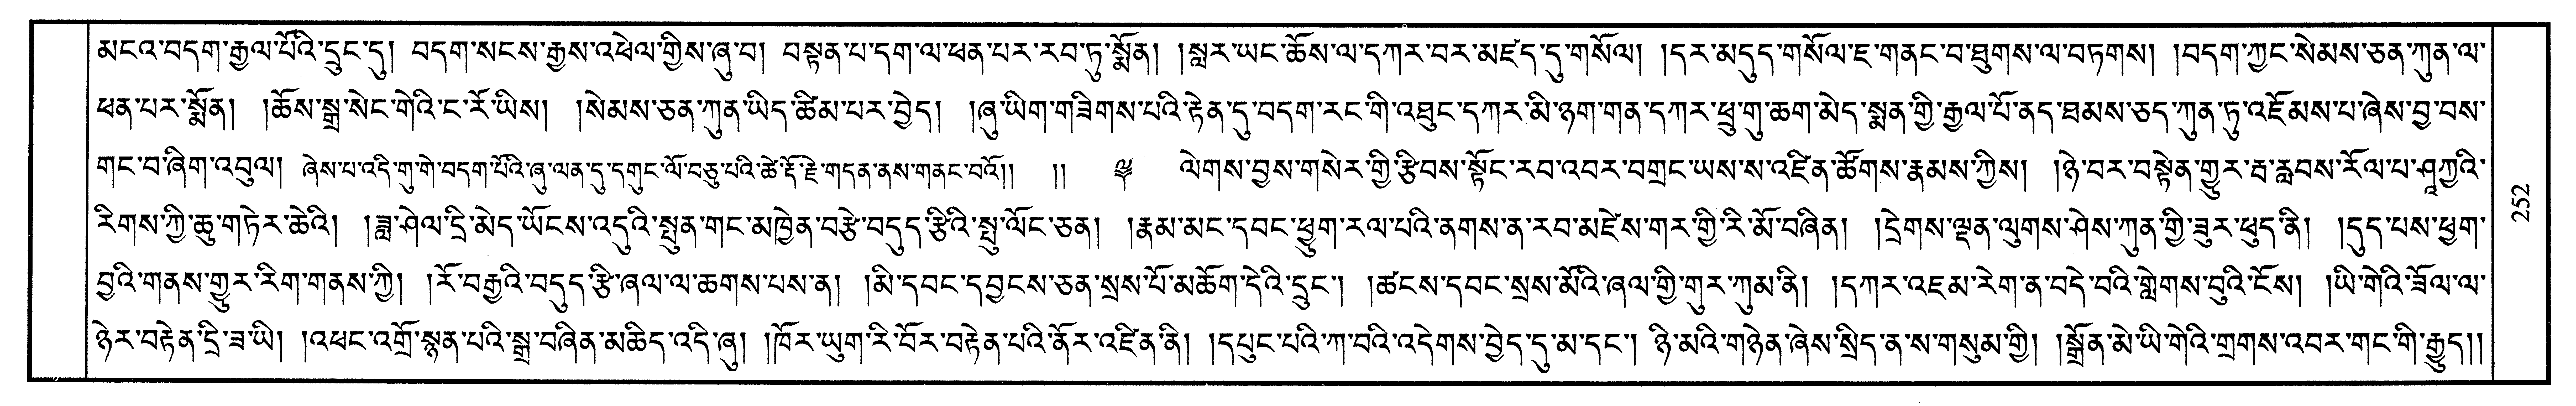མངའ་བདག་རྒྱལ་པོའི་དྲུང་དུ། བདག་སངས་རྒྱས་འཕེལ་གྱིས་ཞུ་བ། བསྟན་པ་དག་ལ་ཕན་པར་རབ་ཏུ་སྨོན། །སླར་ཡང་ཆོས་ལ་དཀར་བར་མཛད་དུ་གསོལ། །དར་མདུད་གསོལ་ཇ་གནང་བ་ཐུགས་ལ་བཏགས། །བདག་ཀྱང་སེམས་ཅན་ཀུན་ལ་
ཕན་པར་སྨོན། །ཆོས་སྒྲ་སེང་གེའི་ང་རོ་ཡིས། །སེམས་ཅན་ཀུན་ཡིད་ཚིམ་པར་བྱེད། །ཞུ་ཡིག་གཟིགས་པའི་རྟེན་དུ་བདག་རང་གི་འཐུང་དཀར་མི་ཉག་གན་དཀར་ཕྲུ་གུ་ཆག་མེད་སྨན་གྱི་རྒྱལ་པོ་ནད་ཐམས་ཅད་ཀུན་ཏུ་འཇོམས་པ་ཞེས་བྱ་བས་
གང་བ་ཞིག་འབུལ། ཞེས་པ་འདི་གུ་གེ་བདག་པོའི་ཞུ་ལན་དུ་དགུང་ལོ་བཅུ་པའི་ཚེ་རྡོ་རྗེ་གདན་ནས་གནང་བའོ།། །། ༈ ལེགས་བྱས་གསེར་གྱི་རྩིབས་སྟོང་རབ་འབར་བགྲང་ཡས་ས་འཛིན་ཚོགས་རྣམས་ཀྱིས། །ཉེ་བར་བསྟེན་གྱུར་རྦ་རླབས་རོལ་པ་ཤཱཀྱའི་
རིགས་ཀྱི་ཆུ་གཏེར་ཆེའི། །ཟླ་ཤེལ་དྲི་མེད་ཡོངས་འདུའི་སྤུན་གང་མཁྱེན་བརྩེ་བདུད་རྩིའི་སྤུ་ལོང་ཅན། །རྣམ་མང་དབང་ཕྱུག་རལ་པའི་ནགས་ན་རབ་མཛེས་གར་གྱི་རི་མོ་བཞིན། །དྲེགས་ལྡན་ལུགས་ཤེས་ཀུན་གྱི་ཟུར་ཕུད་ནི། །དུད་པས་ཕྱག་
བྱའི་གནས་གྱུར་རིག་གནས་ཀྱི། །རོ་བརྒྱའི་བདུད་རྩི་ཞལ་ལ་ཆགས་པས་ན། །མི་དབང་དབྱངས་ཅན་སྲས་པོ་མཆོག་དེའི་དྲུང་། །ཚངས་དབང་སྲས་མོའི་ཞལ་གྱི་གུར་ཀུམ་ནི། །དཀར་འཇམ་རེག་ན་བདེ་བའི་གླེགས་བུའི་ངོས། །ཡི་གེའི་ཟོལ་ལ་
ཉེར་བརྟེན་དྲི་ཟ་ཡི། །འཕང་འགྲོ་སྙན་པའི་སྒྲ་བཞིན་མཆིད་འདི་ཞུ། །ཁོར་ཡུག་རི་བོར་བརྟེན་པའི་ནོར་འཛིན་ནི། །དཔུང་པའི་ཀ་བའི་འདེགས་བྱེད་དུ་མ་དང་། ཉི་མའི་གཉེན་ཞེས་སྲིད་ན་ས་གསུམ་གྱི། །སྒྲོན་མེ་ཡི་གེའི་གྲགས་འབར་གང་གི་རྒྱུད།།